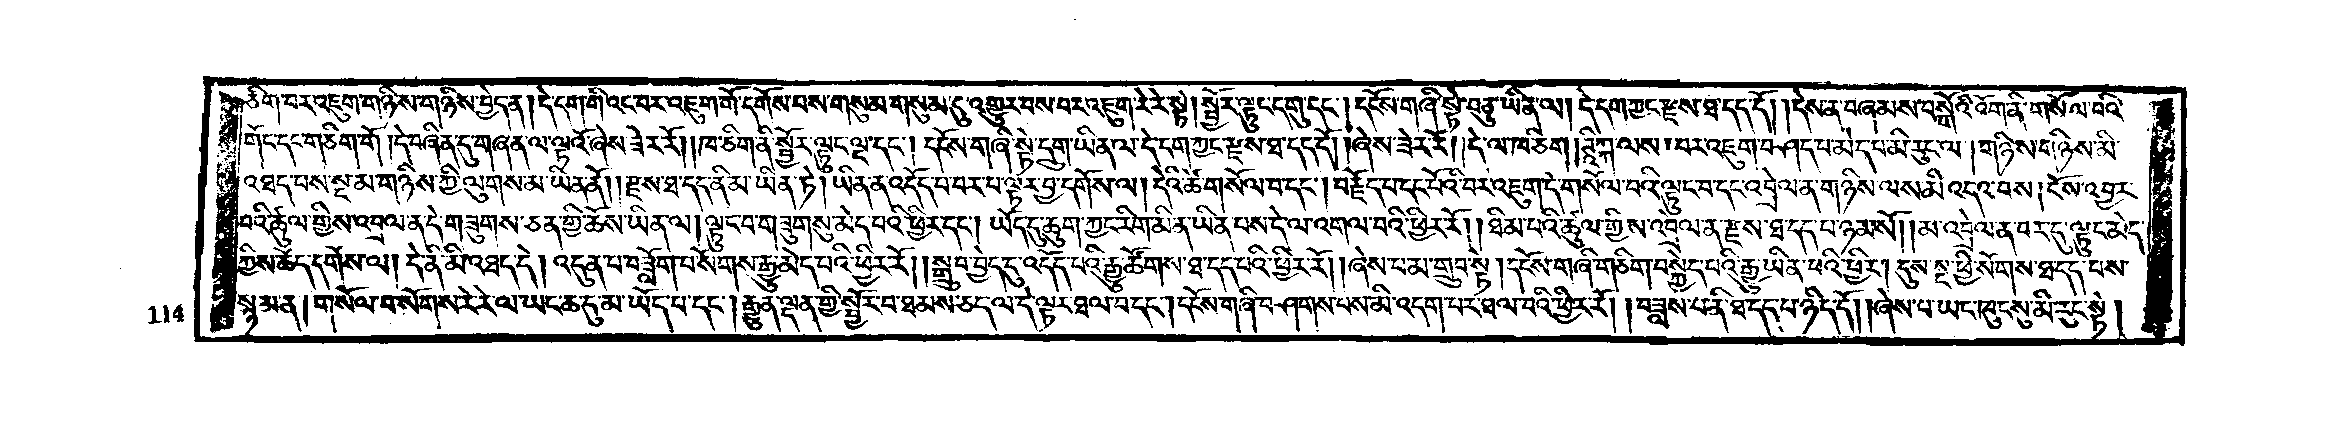ཅིག་པར་འཇུག་གཉིས་གཉིས་བྱེད་ན། དེ་དག་གི་འང་བར་འཇུག་གོ་དགོས་པས་གསུམ་གསུམ་དུ་འགྱུར་བས་བར་འཇུག་རེ་རེ་སྟེ། སྦྱོར་ལྟུང་དགུ་དང་། དངོས་གཞི་སྟེ་བཅུ་ཡིན་ལ། དེ་དག་ཀྱང་རྫས་ཐ་དད་དོ། །དེས་ན་བཞམས་བསྒོའི་འོག་ནི་གསོལ་བའི་
གོང་དང་གཅིག་གོ། །དེ་བཞིན་དུ་གཞན་ལ་ལྟའོ་ཞེས་ཟེར་རོ། །ཁ་ཅིག་ནི་སྦྱོར་ལྟུང་ལྔ་དང་། དངོས་གཞི་སྟེ་དྲུག་ཡིན་ལ་དེ་དག་ཀྱང་རྫས་ཐ་དད་དོ། །ཞེས་ཟེར་རོ། །དེ་ལ་ཁ་ཅིག །ཊཱིཀྐ་ལས། བར་འཇུག་བཤད་པ་མེད་པ་མི་རུང་ལ། གཉིས་གཉིས་མི་
འཐད་པས་སྔ་མ་གཉིས་ཀྱི་ལུགས་མ་ཡིན་ནོ། །རྫས་ཐ་དད་ནི་མ་ཡིན་ཏེ། ཡིན་ན་འདོད་པ་བར་པ་ལྟར་བྱ་དགོས་ལ། དེའི་ཚེ་གསོལ་བ་དང་། བརྗོད་པ་དང་པོའི་བར་འཇུག་དེ་གསོལ་བའི་ལྟུང་བ་དང་འབྲེལ་ན་གཉིས་ལས་མི་འདའ་བས། ངོས་འབྱར་
བའི་ཚུལ་གྱིས་འབྲལ་ན་དེ་གཟུགས་ཅན་གྱི་ཆོས་ཡིན་ལ། ལྟུང་བ་གཟུགས་སུ་མེད་པའི་ཕྱིར་དང་། ཡོད་དུ་ཆུག་ཀྱང་རིག་མིན་ཡིན་པས་དེ་ལ་འགལ་བའི་ཕྱིར་རོ། །ཐིམ་པའི་ཚུལ་གྱིས་འབྲེལ་ན་རྫས་ཐ་དད་པ་ཉམས་སོ། །མ་འབྲེལ་ན་བར་དུ་ལྟུང་མེད་
ཀྱིས་ཆོད་དགོས་ལ། དེ་ནི་མི་འཐད་དེ། འདུན་པ་བཟློག་པ་སོགས་རྒྱུ་མེད་པའི་ཕྱིར་རོ། །སྒྲུབ་བྱེད་དུ་འདོད་པའི་རྒྱུ་ཚོགས་ཐ་དད་པའི་ཕྱིར་རོ། །ཞེས་པ་མ་གྲུབ་སྟེ། དངོས་གཞི་གཅིག་བསྐྱེད་པའི་རྒྱུ་ཡིན་པའི་ཕྱིར། དུས་སྔ་ཕྱི་སོགས་ཐ་དད་པས་
སྙམ་ན། གསོལ་བ་སོགས་རེ་རེ་ལ་ཡང་ཆ་དུ་མ་ཡོད་པ་དང་། རྒྱུན་ལྡན་གྱི་སྦྱོར་བ་ཐམས་ཅད་ལ་དེ་ལྟར་ཐལ་བ་དང་། དངོས་གཞི་བཤགས་པས་མི་འདག་པར་ཐལ་བའི་ཕྱིར་རོ། །བཟླས་པ་ནི་ཐ་དད་པ་ཉིད་དོ། །ཞེས་པ་ཡང་ཁུངས་སུ་མི་རུང་སྟེ།